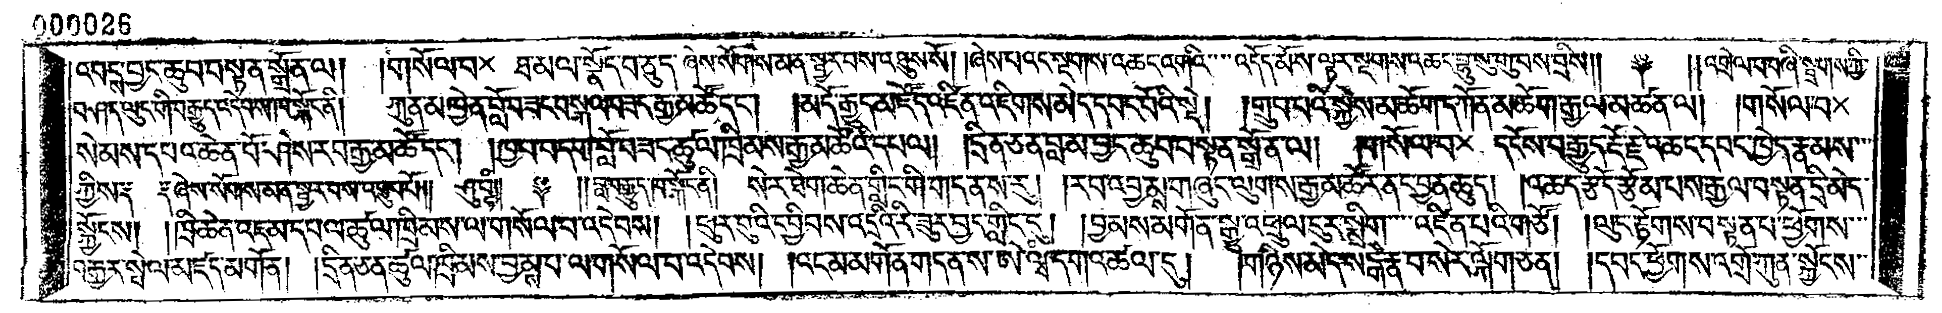འབངས་བྱང་ཆུབ་བསྟན་སྒྲོན་ལ། །གསོལ་བ་྾་ཐ་མལ་སྣོད་བཅུད་ཞེས་སོགས་མན་སྦྱར་བས་འཐུས་སོ། །ཞེས་པའང་སྔགས་འཆང་འགའི་འདོད་མོས་ལྟར་སྔགས་འཆང་བྷུ་སུ་གུ་བས་བྲིས།། ༈ །།འགྲེལ་བ་བཞི་སྦྲགས་ཀྱི་
བཤད་ལུང་གི་བརྒྱུད་འདེབས་ཁ་སྐོང་ནི། ཀུན་མཁྱེན་བློ་བཟང་བསྐལ་བཟང་རྒྱ་མཚོ་དང་། །མདོ་རྒྱུད་མཛོད་འཛིན་འཇིགས་མེད་དབང་པོའི་སྡེ། །གྲུབ་པའི་སྐྱེས་མཆོག་དཀོན་མཆོག་རྒྱལ་མཚན་ལ། །གསོལ་བ་྾་
སེམས་དཔའ་ཆེན་པོ་ཤེས་རབ་རྒྱ་མཚོ་དང་། །ཁྱབ་བདག་བློ་བཟང་ཚུལ་ཁྲིམས་རྒྱ་མཚོའི་དཔལ། །དྲིན་ཅན་བླ་མ་བྱང་ཆུབ་བསྟན་སྒྲོན་ལ། །གསོལ་བ་྾་དངོས་བརྒྱུད་རྡོ་རྗེ་འཆང་དབང་ཁྱེད་རྣམས་
ཀྱིས༑ ༑ཞེས་སོགས་མན་སྦྱར་བས་འགྲུབ་པོ།། ཤུ་བྷཾ།། ༈ །།བླ་བརྒྱུད་ཁ་སྐོང་ནི།  སེ་ར་ཐེག་ཆེན་གླིང་གི་གདན་ས་རུ། །རབ་འབྱམས་གཞུང་ལུགས་རྒྱ་མཚོར་ནང་བྱན་ཆུད། །འཆད་རྩོད་རྩོམ་པས་རྒྱལ་བསྟན་དྲི་མེད་
སྐྱོངས། །ཁྲི་ཆེན་འཇམ་དཔལ་ཚུལ་ཁྲིམས་ལ་གསོལ་བ་འདེབས། །ཕུར་བུའི་དབྱིབས་འདྲའི་རི་ཟུར་བྱང་གླིང་དུ། །བྱམས་མགོན་སྒྱུ་འཕྲུལ་ངུར་སྨྲིག་འཛིན་པའི་གཙོ། །ལུང་རྟོགས་བསྟན་པ་ཕྱོགས་
བརྒྱར་སྤེལ་མཛད་མགོན། །དྲིན་ཅན་ཚུལ་ཁྲིམས་བྱམས་པ་ལ་གསོལ་བ་འདེབས། །འཇམ་མགོན་གདན་ས་ཨེ་ཝྭཾ་དགའ་ཚལ་དུ། །གཉིས་མེད་སེངྒེ་རྣ་བ་སེར་ལྐོག་ཅན། །དབང་ཕྱོགས་འགྲོ་ཀུན་སྐྱོངས་